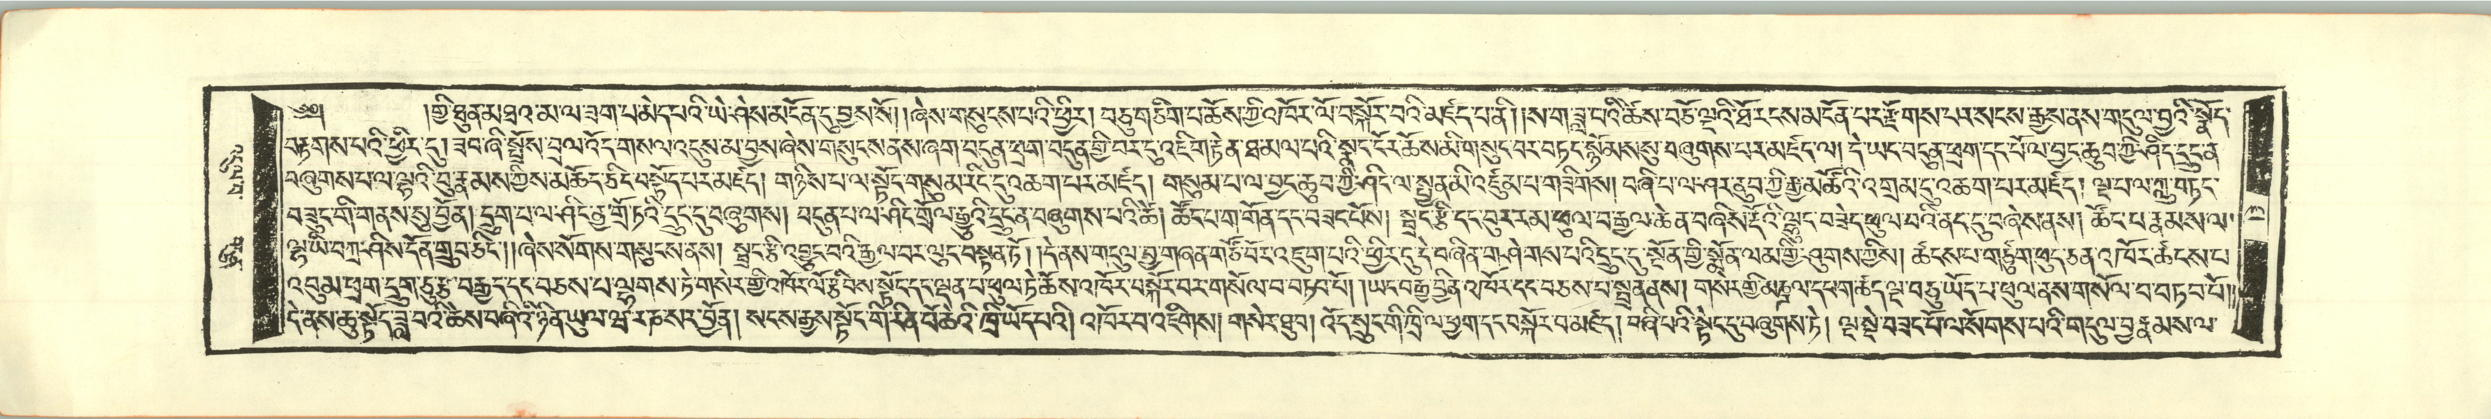༄༅། །གྱི་ཐུན་མཐའ་མ་ལ་ཟག་པ་མེད་པའི་ཡེ་ཤེས་མངོན་དུ་བྱས་སོ། །ཞེས་གསུངས་པའི་ཕྱིར། བཅུ་གཅིག་པ་ཆོས་ཀྱི་འཁོར་ལོ་བསྐོར་བའི་མཛད་པ་ནི། །ས་ག་ཟླ་བའི་ཚེས་བཅོ་ལྔའི་ཐོ་རངས་མངོན་པར་རྫོགས་པར་སངས་རྒྱས་ནས་གདུལ་བྱའི་སྣོད་
བརྟགས་པའི་ཕྱིར་དུ། ཟབ་ཞི་སྤྲོས་བྲལ་འོད་གསལ་འདུས་མ་བྱས་ཞེས་གསུངས་ནས་ཞག་བདུན་ཕྲག་བདུན་ཕྲག་བདུན་གྱི་བར་དུ་འཇིག་རྟེན་ཐ་མལ་བའི་སྣང་ངོར་ཆོས་མི་གསུང་བར་བཏང་སྙོམས་སུ་བཞུགས་པར་མཛད་ལ། དེ་ཡང་བདུན་ཕྲག་དང་པོ་ལ་བྱང་ཆུབ་ཀྱི་ཤིང་དྲུང་ན་
བཞུགས་པ་ལ་ལྷའི་བུ་རྣམས་ཀྱིས་མཆོད་ཅིང་བསྟོད་པར་མཛད། གཉིས་པ་ལ་སྟོང་གསུམ་རིང་དུ་འཆག་པར་མཛད། གསུམ་པ་ལ་བྱང་ཆུབ་ཀྱི་ཤིང་ལ་སྤྱན་མི་འཛུམ་པ་གཟིགས། བཞི་པ་ལ་ཤར་ནུབ་ཀྱི་རྒྱ་མཚོའི་འགྲམ་དུ་འཆག་པར་མཛད། ལྔ་པ་ལ་ཀླུ་བཏང་
བཟུང་གི་གནས་སུ་བྱོན། དྲུག་པ་ལ་ཤིང་ནྱ་གྲོ་ཏའི་དྲུང་དུ་བཞུགས། །བདུན་པ་ལ་ཤིང་གྲོལ་རྒྱུའི་དྲུང་ན་བཞུགས་པའི་ཚེ། ཚོང་པ་ག་གོན་དང་བཟང་པོས། སྦྲང་རྩི་དང་བུར་རམ་ཕུལ་བ་རྒྱལ་ཆེན་བཞིས་རྡོའི་ལྷུང་བཟེད་ཕུལ་བའི་ནང་དུ་བཞེས་ནས། ཚོང་པ་རྣམས་ལ་
ལྷ་ཡི་བཀྲ་ཤིས་དོན་གྲུབ་ཅིང་། །ཞེས་སོགས་གསུངས་ནས། སྦྲང་རྩི་འབྱུང་བའི་རྒྱལ་བར་ལུང་བསྟན་ཏོ། །དེ་ནས་གདུལ་བྱ་གཞན་གཙོ་བོར་འཇུག་པའི་ཕྱིར་དུ་དེ་བཞིན་གཤེགས་པའི་དྲུང་དུ་སྔོན་གྱི་སྨོན་ལམ་གྱི་ཤུགས་ཀྱིས། ཚངས་པ་གཙུག་ཕུད་ཅན་འཁོར་ཚངས་པ་
འབུམ་ཕྲག་དྲུག་ཅུ་རྩ་བརྒྱད་དང་བཅས་པ་ལྷགས་ཏེ་གསེར་གྱི་འཁོར་ལོ་རྩིབས་སྟོང་དང་ལྡན་པ་ཕུལ་ཏེ་ཆོས་འཁོར་བསྐོར་བར་གསོལ་བ་བཏབ་པོ། །ཡང་བརྒྱ་བྱིན་འཁོར་དང་བཅས་པ་སྦྲན་ནས། གསེར་གྱི་མཎྜལ་དཔག་ཚད་ལྔ་བཅུ་ཡོད་པ་ཕུལ་ནས་གསོལ་བ་བཏབ་པོ། །
དེ་ནས་ཆུ་སྟོད་ཟླ་བའི་ཚེས་བཞིའི་ཉིན་ཡུལ་ཝ་ར་ཎ་སར་བྱོན། སངས་རྒྱས་སྟོང་གི་རིན་པོ་ཆེའི་ཁྲི་ཡོད་པའི། འཁོར་བ་འཇིགས། གསེར་ཐུབ། འོད་སྲུང་གི་ཁྲི་ལ་ཕྱག་དང་བསྐོར་བ་མཛད། བཞི་བའི་སྟེང་དུ་བཞུགས་ཏེ། ལྔ་སྡེ་བཟང་པོ་ལ་སོགས་པའི་གདུལ་བྱ་རྣམས་ལ་